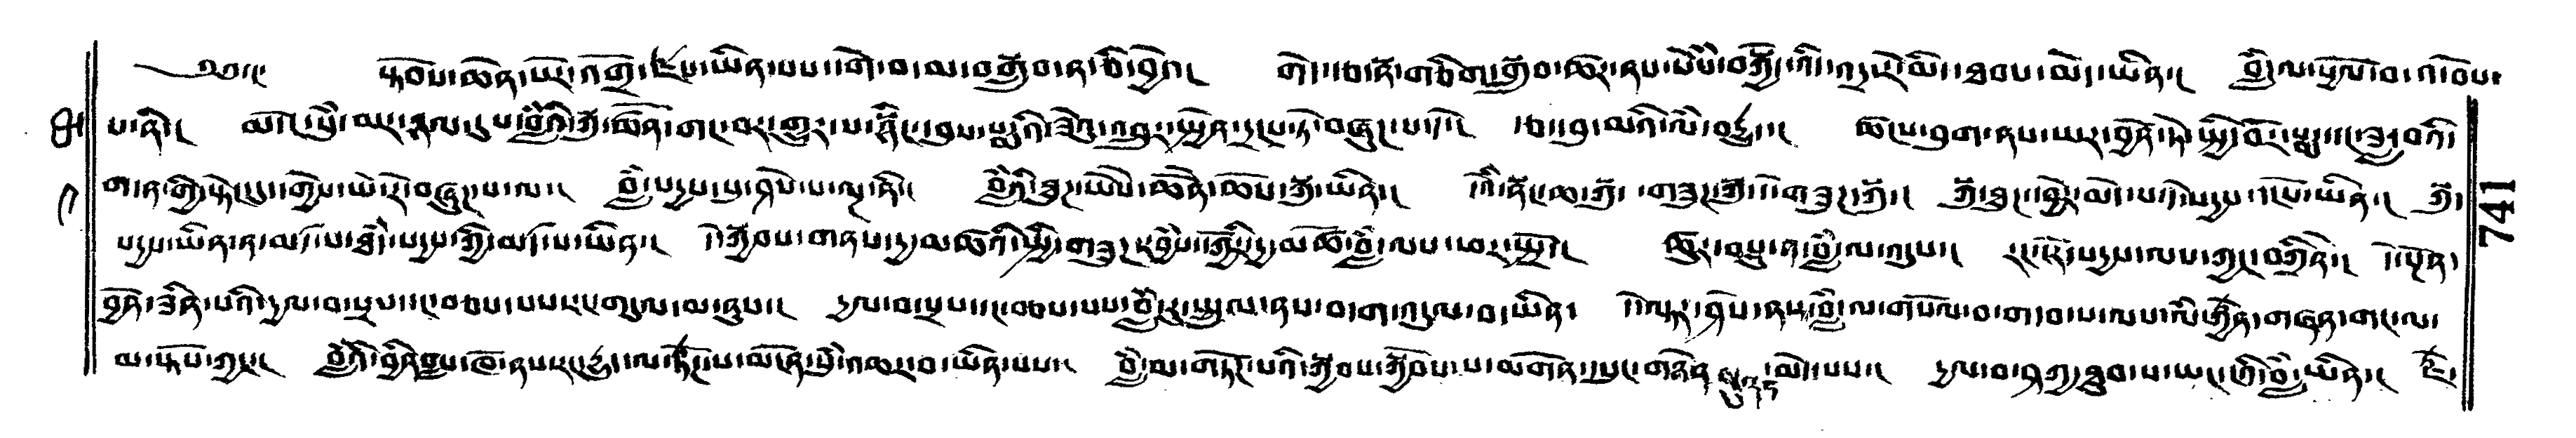སྟོབས་ཆེན་པོར་འགྲོ་རྫས་ཡིན་པས་དགེ་བ་མ་བསྒྲུབ་ན་ཅི་བྱའོ། དགེ་རྩ་སྣ་གཅིག་བསྒྲུབས་ཚར་ནས་སེམས་བསྐྱེད་འདི་འདྲ་རེ་མེད་ཐབས་མེད་ཡིན། བླ་མ་ལ་གསོལ་བ་འདེབས་
པ་ནི། མདང་སུམ་མར་ཉལ་དུས་བླ་མའི་སྐུ་ཚོན་གང་བར་གྱུར་པ་སྙིང་དབུས་པདྨའི་ཟེའུ་འབྲུར་སྤྱན་དྲངས་སྟེ་བཞུགས་པ་དེ། རྩ་དབུ་མའི་ལམ་བརྒྱུད། ཚངས་བུག་ནས་ཡར་བྱོན་ཏེ་སྤྱི་བོར་པདྨ་དང་ཟླ་བའི་
གདན་གྱི་སྟེང་དུ་དགྱེས་ཡེ་རེ་བཞུགས་པ་ལ། བླ་མ་སངས་རྒྱས་སུ་ཤེས་པ་ལྔ་ནི། བླ་མའི་ཐུགས་ཡེ་ཤེས་ཆེན་པོ་ཆོས་སྐུ་ཡིན། དེའི་སྣང་ཆ་སྐུ་གཟུགས། སྐུ་དེ་གཟུགས་སྐུ། སྐུ་ཐུགས་འབྱེར་མེད་པ་དེ་སངས་རྒྱས་དངོས་ཡིན། སྐུ་
སངས་རྒྱས་ཡིན་ན་མཛད་པ་ཐམས་ཅད་སངས་རྒྱས་ཀྱི་མཛད་པ་ཡིན། དེ་སྐྱབས་གནས་རྒྱ་མཚོའི་སྤྱི་གཟུགས་རབ་འབྱམས་དཀྱིལ་འཁོར་རྒྱ་མཚོ་བླ་མ་ལས་ཕར་སྤྲོ། ཚུར་བསྡུ་ན་བླ་མ་ལ་འདུས། རང་ངོ་སངས་རྒྱས་ལས་ཀྱང་བཀའ་དྲིན་ཆེ། དེ་སྔོན་
བྱོན་ཟིན་པའི་རྒྱལ་བ་སྲས་དང་བཅས་པས་རང་གདུལ་མ་ནུས། རྒྱལ་བ་སྲས་དང་བཅས་པས་བླ་མ་རུ་སྤྲུལ་ནས་བདག་འདུལ་བ་ཡིན། དེ་ལྟར་ཤེས་ནས་བླ་མ་ལ་གསོལ་བ་གདབ་པ་ལས་ལམ་རྐྱེན་གཞན་གང་ལ་
མ་སྟོས་ཀྱང་།བླ་མའི་བྱིན་རླབས་ཁོ་ནས་རང་རྒྱུད་ལ་རྟོགས་པ་མངོན་སུམ་དུ་འཆར་བ་ཡིན་པས། བླ་མ་མ་གཏོགས་པའི་སྐྱབས་སྐྱོབ་པ་མགོན་དཔུང་གཉེན་སུའང་མེད་པས། རྒྱལ་བ་ཤཱཀྱ་ཐུབ་པ་ཡང་ངའི་བླ་མ་ཡིན། རྗེ་